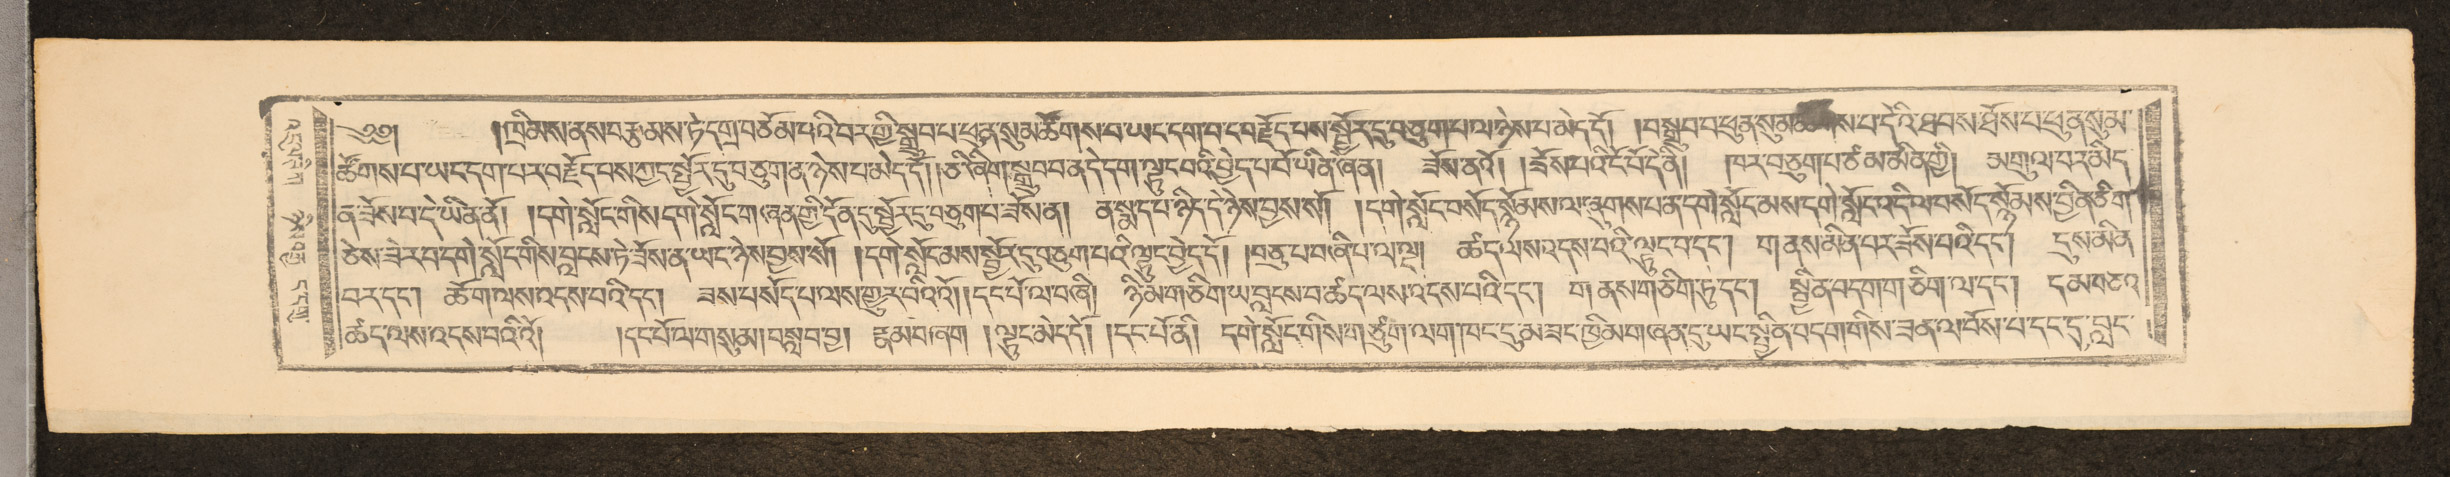༄༅། །ཁྲིམས་ནས་བརྩམས་ཏེ་དགྲ་བཅོམ་པའི་བར་གྱི་སྒྲུབ་པ་ཕུན་སུམ་ཚོགས་པ་ཡང་དག་པར་བརྗོད་པས་སྦྱོར་དུ་བཅུག་པ་ལ་ཉེས་པ་མེད་དོ། །བསྒྲུབ་པ་ཕུན་སུམ་ཚོགས་པ་དེའི་ཐབས་ཐོས་པ་ཕུན་སུམ་
ཚོགས་པ་ཡང་དག་པར་བརྗོད་པས་ཀྱང་སྦྱོར་དུ་བཅུག་ན་ཉེས་པ་མེད་དོ། །ཅི་ཞིག་སྒྲུབས་ན་དེ་དག་ལྟུང་བའི་བྱེད་པ་པོ་ཡིན་ཞེ་ན། ཟོས་ནའོ། །ཟོས་པའི་ངོ་བོ་དེ་ནི། ཁར་བཅུག་པ་ཙམ་མིན་གྱི། མགུལ་པར་མིད་
ན་ཟོས་པ་དེ་ཡིན་ནོ། །དགེ་སློང་གིས་དགེ་སློང་གཞན་གྱི་དོན་དུ་སྦྱོར་དུ་བཅུག་པ་ཟོས་ན། ན་སྨད་པ་ཉིད་དེ་ཉེས་བྱས་སོ། །དགེ་སློང་བསོད་སྙོམས་ལ་ཞུགས་པ་ན་དགེ་སློང་མས་དགེ་སློང་འདི་ལ་བསོད་སྙོམས་བྱིན་ཅིག་
ཅེས་ཟེར་བ་དགེ་སློང་གིས་བླངས་ཏེ་ཟོས་ན་ཡང་ཉེས་བྱས་སོ། །དགེ་སློང་མས་སྦྱོར་དུ་བཅུག་པའི་ལྟུང་བྱེད་དོ། །བཅུ་པ་བཞི་པ་ལ་ལྔ། ཚད་ལས་འདས་པའི་ལྟུང་བ་དང་། གནས་མིན་པར་ཟོས་པའི་དང་། དུས་མིན་
པར་དང་། ཆོ་ག་ལས་འདས་པའི་དང་། ཟས་བསོད་པ་ལས་གྱུར་པའི་འོ། །དང་པོ་ལ་བཞི། ཉི་མ་གཅིག་ལ་བླངས་པ་ཚད་ལས་འདས་པའི་དང་། གནས་གཅིག་ཏུ་དང་། སྦྱིན་བདག་གཅིག་ལ་དང་། དམ་བཅའ་
ཚད་ལས་འདས་པའིའོ། །དང་པོ་ལ་གསུམ། བསླབ་བྱ། རྣམ་བཞག །ལྟུང་མེད་དོ། །དང་པོ་ནི། དགེ་སློང་གིས་གཙུག་ལག་ཁང་དུ་མ་ཟད་ཁྱིམ་གཞན་དུ་ཡང་སྦྱིན་བདག་གིས་ཟན་ལ་བསོ་པ་དང་དུ་བླང་